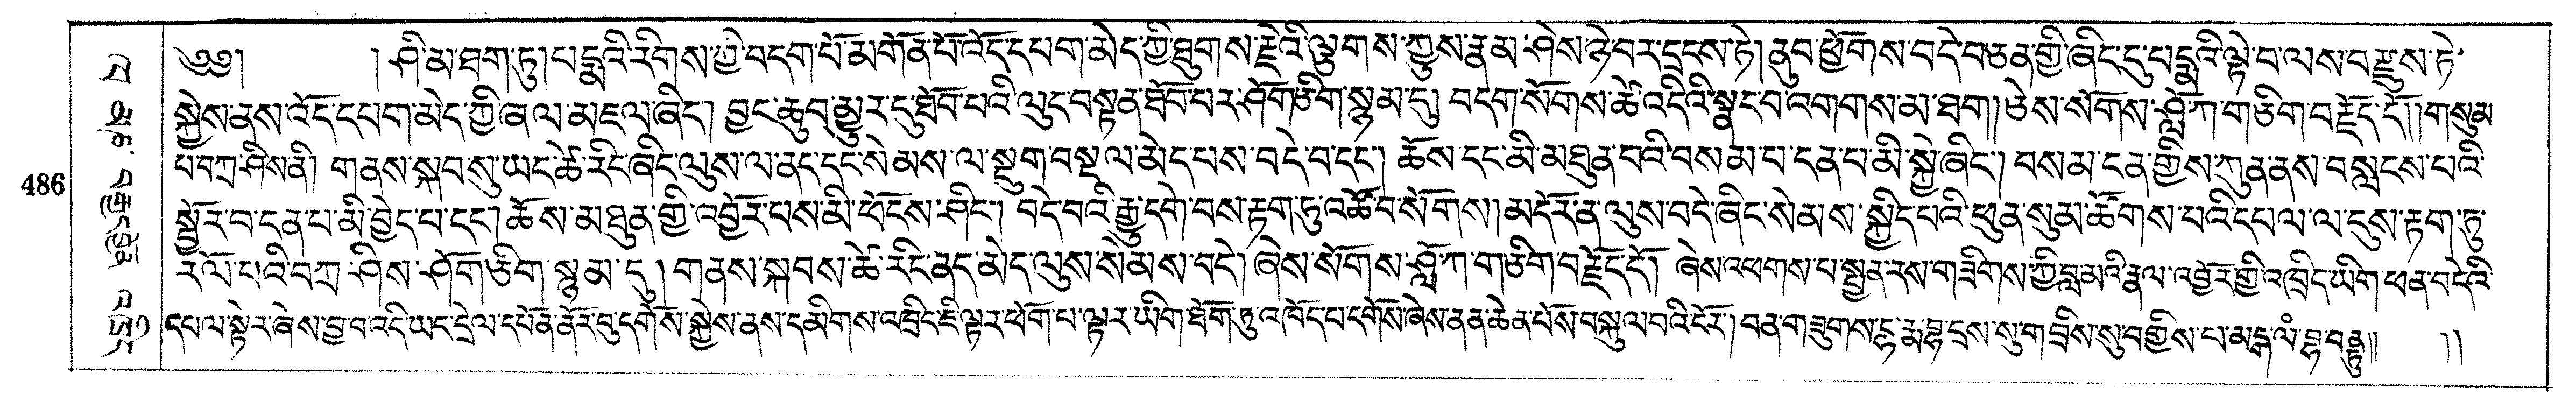༄༅། །ཤི་མ་ཐག་ཏུ། པདམའི་རིགས་ཀྱི་བདག་པོ་མགོན་པོ་འོད་དཔག་མེད་ཀྱི་ཐུགས་རྗེའི་ལྕགས་ཀྱུས་རྣམ་ཤེས་ཉེ་བར་དྲངས་ཏེ། ནུབ་ཕྱོགས་བདེ་བ་ཅན་གྱི་ཞིང་དུ་པདམའི་ལྟེ་བ་ལས་བརྫུས་ཏེ་
སྐྱེས་ནས་འོད་དཔག་མེད་ཀྱི་ཞལ་མཇལ་ཞིང་། བྱང་ཆུབ་མྱུར་དུ་ཐོབ་པའི་ལུང་བསྟན་ཐོབ་པར་ཤོག་ཅིག་སྙམ་དུ། བདག་སོགས་ཚེ་འདིའི་སྣང་བ་འགགས་མ་ཐག། ཅེས་སོགས་ཤློ་ཀ་གཅིག་བརྗོད་དོ། །གསུམ་
པ་བཀྲ་ཤིས་ནི། གནས་སྐབ་སུ་ཡང་ཚེ་རིང་ཞིང་ལུས་ལ་ནད་དང་སེམས་ལ་སྡུག་བསྔལ་མེད་པས་བདེ་བ་དང་། ཆོས་དང་མི་མཐུན་པའི་བསམ་པ་ངན་པ་མི་སྐྱེ་ཞིང་། བསམ་ངན་གྱིས་ཀུན་ནས་བསླངས་པའི་
སྦྱོར་བ་ངན་པ་མི་བྱེད་པ་དང་། ཆོས་མཐུན་གྱི་འབྱོར་བས་མི་ཕོངས་ཤིང་། བདེ་བའི་རྒྱུ་དགེ་བས་རྟག་ཏུ་འཚོ་བ་སོགས། མདོར་ན་ལུས་བདེ་ཞིང་སེམས་སྐྱིད་པའི་ཕུན་སུམ་ཚོགས་པའི་དཔལ་ལ་དུས་རྟག་ཏུ་
རོལ་པའི་བཀྲ་ཤིས་ཤོག་ཅིག་སྙམ་དུ། གནས་སྐབས་ཚེ་རིང་ནད་མེད་ལུས་སེམས་བདེ། ཞེས་སོགས་ཤློ་ཀ་གཅིག་བརྗོད་དོ། ཞེས་འཕགས་པ་སྤྱན་རས་གཟིགས་ཀྱི་བླ་མའི་རྣལ་འབྱོར་གྱི་འཁྲིད་ཡིག་ཕན་བདེའི་
དཔལ་སྟེར་ཞེས་བྱ་བ་འདི་ཡང་དྲེལ་དཔོན་ནོར་བུ་དགོས་སྐྱེས་ནས་དམིགས་འཁྲིད་ཇི་ལྟར་ཕོག་པ་ལྟར་ཡིག་ཐོག་ཏུ་འཁོད་པ་དགོས་ཞེས་ནན་ཆེན་པོས་བསྐུལ་བའི་ངོར། བན་གཟུགས་དྷ་རྨ་བྷ་དྲས་སུ་གཟིས་སུ་བགྱིས་པ་མངྒ་ལཾ་བྷ་བནྟུ།། །།